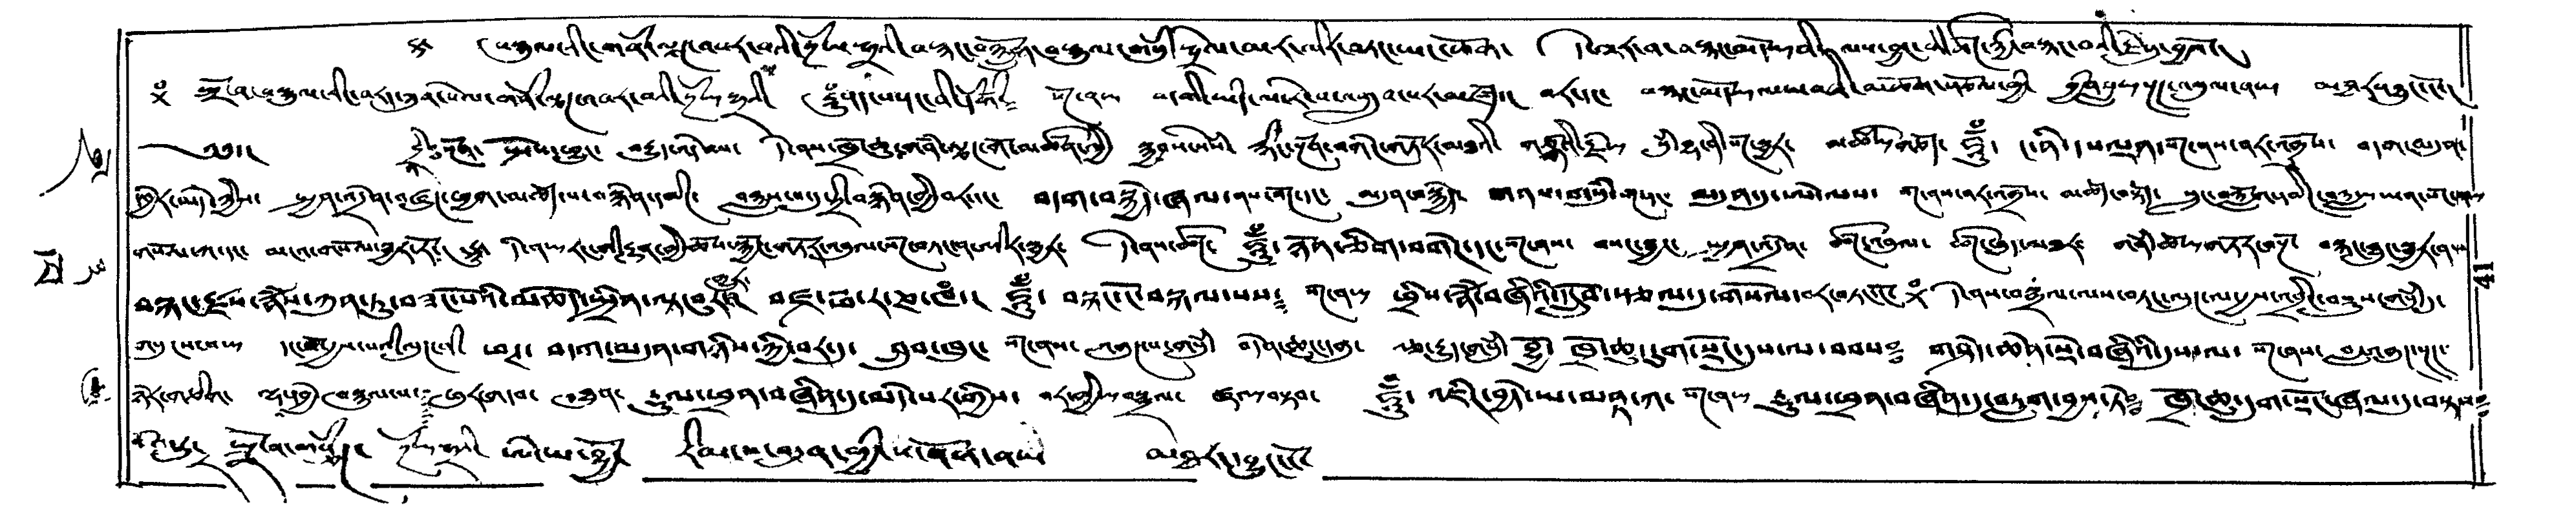ཧྲཱིཿསྔོན༴ སྤྲོས་ཕྱུང་། བརྒྱུད་འདེབས། དེ་ནས་ཁྲོ་ཆུ་གནམ་ལྕགས་གོ་མཚན་ཀྱི། སྐྱབས་སེམས། རྙིང་སྔོན་བགེགས་གཏོར་མཐའི་གཙྪའི་རྗེས། སུམ་བྷ་ནི༴སོགས་སྦྱར། མཚམས་གཅོད། ཧཱུྃ༔ ང་ནི་དཔལ་ལྡན༴ སོགས་ནས་ནར་འགྲོས། བདག་མདུན་
དབྱེར་མེད་ཀྱིས། སྤྱན་འདྲེན་བཞུགས་ཕྱག་མཆོད་པ་བསྙེན་དམིགས། བཟླས་པ་དུ་ཏྲི་བསྙེན་གྱི་བར་དང་། བདག་བསྐྱེད་ཞལ་ནས༴སོགས་དང་། མདུན་བསྐྱེད། གནས་གསུམ་༴ སོགས་དང་། མདུན་དུ་ཨེ་ལས༴ སོགས་ནས་ནར་འགྲོས། མཆོད་བསྟོད། སྲུང་བཟློག་དམིགས་བཟླས་ཡན་སོང་ནས་
གསོལ་ཀ་དང་། མངའ་གསོལ་སྦྱར་རོ། བསྐུལ་རིང་གནམ་ལྕགས་འབར་བའི་རྔམས་སྒྲའི་བསྐང་བཟློག་བསྐུལ་གསུམ་སྦྲེལ་མར་འདིར་བཏང་ཡང་ཆོགདེ་ལྟར་ན་བསྐང་མདོན་ནི་ལས་བྱང་གི་ཚོགས་ཀྱི་བསྐང་བའི་རྗེས་སུ་བྱའོ། །དེ་ནས་རང་གི་རྒྱུན་གྱི་ཆོས་སྐྱོང་གཏོར་འབུལ་སོགས་བཏང་ན་འདིར་སྦྱར། དེ་ནས་ཚོགས། ཧཱུྃ༔ ཉོན་ཅིག་བགེགས་དང༴ སོགས་ནས། བསང་བསྦྱང་། སྤྱན་འདྲེན། ཚོགས་འབུལ། ཚོགས་ཕུད་མཐར། གནམ་ཆོས་གཏོར་བསྔོ། བསྐང་ཐུང་སྦྱར་ན། 
བརྐང་རྫས་རྣམས་ཀུན་ཏུ་བཟང་པོའི་མཆོད་སྤྲིན་ལྟ་བུར་གྱུར། བཛྲ་སྥ་ར་ཎ་ཁཾ། ཧཱུྃ༔ བསྐང་ངོ་བསྐལ་པས༴ སོགས་ནས། ཕྲིན་ལས་རྣམ་བཞིའི་དངོས་གྲུབ་བསྩལ་དུ་གསོལ༔ བར་བཏང་ངོ་། སྤྲོ་ན་བསྐུལ་རིང་བར་ཆད་ཀུན་སེལ་གནམ་ལྕགས་འབར་བའི་རྔམས་སྒྲའི། ཧཱུྃ༔ དད་པ་དང་ནི་དམ་ཚིག༴ སོགས་ནས། བདག་གི་ཡིད་ལ་རེ་བ་འགྲུབ་པར་མཛོད༔ བར་དང་། བསྐང་མདོས་ལས་བཞི་མཆོག་སྩོལ་གྱི། བྱིན་རླབས་སྔགས་འབུལ་ནས། མཐར་དབྱུང་ངོ་།། དེ་ནས་སྒྲལ་ལས་བཏང་ལུགས་ལ་རྒྱས་འབྲིང་བསྡུས་གསུམ་དུ་
གསུངས་པས། དང་པོ་རྒྱས་པའི་ལུགས་ནི། ཕཊཿ བདག་མདུན་གཉིས་ཀྱི་བར་དུ་བྲུབ་ཁུང༴ སོགས་ནས། འགུགས་པ་གསུམ། བདེན་ཆུང་དགུ། རྩ་རྒྱུད་གསུམ། བྷྱོཿ ཁྲོ་ཆུ་དུག་སྡོང་དུས་ལ་བབས༔ གཤེད་ཆེན་སྡེ་བཞིའི་དུས་ལ༴ སོགས་ནས། བླ་འགུགས་སྔགས་
ཉེར་གཅིག ལྷ་དབྱེ། བསྐུལ་པ་། འོག་་ཏ་སྤྲོ་ན་གནམ་ལྕགས་རྔམས་སྒྲའི། ཨེ་ཡ་བྷྱོ༔ རིམ་པ་བདུན་གྱི་ས་ནོན༴ ནས། མཐར་བྱུང་ངོ་། ཕུར་བདབ། ཐུན། རྡུལ་ཕྲན་བཞིན་དུ་མེད་པར་གྱིས༔ བར་གྱིས་བསྒྲལ། ཞལ་བསྟབ། ཧཱུྃ༔ འཇིགས་བྱེད་ཡ་མནྟ་ཀ༴ སོགས་ནས། རྡུལ་ཕྲན་བཞིན་དུ་བརླག་བྱས་ཏེ༔ ཁྲོ་ཆུ་དུག་སྡོང་ཞལ་དུ་བསྟབ་༔